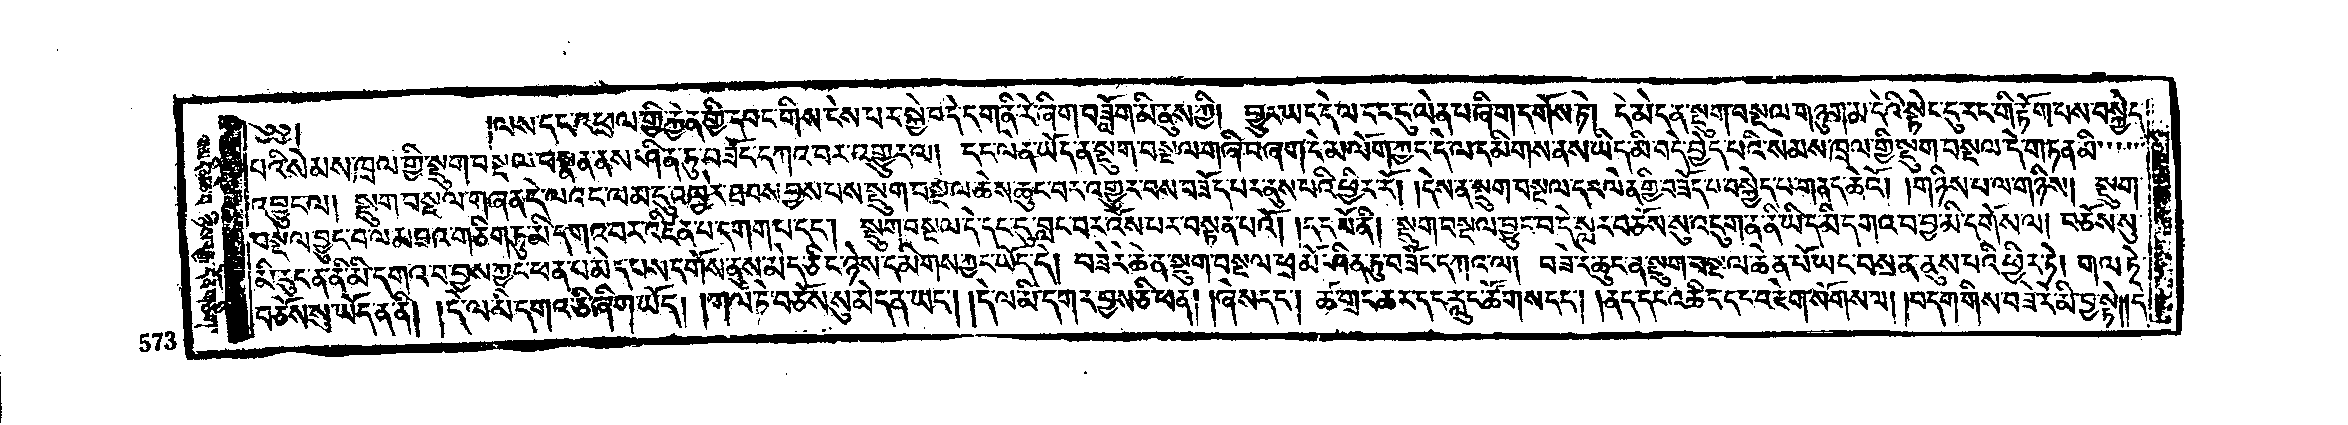༄༅། །ལས་དང་འཕྲལ་གྱི་རྐྱེན་གྱི་དབང་གིས་ངེས་པར་སྐྱེ་བ་དེ་དག་ནི་རེ་ཞིག་བཟློག་མི་ནུས་ཀྱི། བྱུང་ཡང་དེ་ལ་དང་དུ་ལེན་པ་ཞིག་དགོས་ཏེ། དེ་མེད་ན་སྡུག་བསྔལ་གཉུག་མ་དེའི་སྟེང་དུ་རང་གི་རྟོག་པས་བསྐྱེད་
པའི་སེམས་ཁྲལ་གྱི་སྡུག་བསྔལ་བསྣན་ནས་ཤིན་ཏུ་བཟོད་དཀའ་བར་འགྱུར་ལ། དང་ལེན་ཡོད་ན་སྡུག་བསྔལ་གཞི་བཞག་དེ་མ་ལོག་ཀྱང་དེ་ལ་དམིགས་ནས་ཡིད་མི་བདེ་བྱེད་པའི་སེམས་ཁྲལ་གྱི་སྡུག་བསྔལ་དེ་གཏན་མི་
འབྱུང་ལ། སྡུག་བསྔལ་གཞན་དེ་ལའང་ལམ་དུ་འཁྱེར་ཐབས་བྱས་པས་སྡུག་བསྔལ་ཆེས་ཆུང་བར་འགྱུར་བས་བཟོད་པར་ནུས་པའི་ཕྱིར་རོ། །དེས་ན་སྡུག་བསྔལ་དང་ལེན་གྱི་བཟོད་པ་བསྐྱེད་པ་གནད་ཆེའོ། །གཉིས་པ་ལ་གཉིས། སྡུག་
བསྔལ་བྱུང་བ་ལ་མཐའ་གཅིག་ཏུ་མི་དགའ་བར་འཛིན་པ་དགག་པ་དང་། སྡུག་བསྔལ་དེ་དང་དུ་བླང་བར་འོས་པར་བསྟན་པའོ། །དང་པོ་ནི། སྡུག་བསྔལ་བྱུང་བ་དེ་སླར་བཅོས་སུ་འདུག་ན་ནི་ཡིད་མི་དགའ་བ་བྱ་མི་དགོས་ལ། བཅོས་སུ་
མི་རུང་ན་ནི་མི་དགའ་བ་བྱས་ཀྱང་ཕན་པ་མེད་པས་དགོས་ནུས་མེད་ཅིང་ཉེས་དམིགས་ཀྱང་ཡོད་དེ། བཟེ་རེ་ཆེ་ན་སྡུག་བསྔལ་ཕྲ་མོ་ཤིན་ཏུ་བཟོད་དཀའ་ལ། བཟེ་རེ་ཆུང་ན་སྡུག་བསྔལ་ཆེན་པོ་ཡང་བསྲན་ནུས་པའི་ཕྱིར་ཏེ། གལ་ཏེ་
བཅོས་སུ་ཡོད་ན་ནི། །དེ་ལ་མི་དགའ་ཅི་ཞིག་ཡོད། །གལ་ཏེ་བཅོས་སུ་མེད་ན་ཡང་། །དེ་ལ་མི་དགར་བྱས་ཅི་ཕན། །ཞེས་དང་། ཚ་གྲང་ཆར་དང་རླུང་ཚོགས་དང་། །ནད་དང་འཆིང་དང་བརྡེག་སོགས་ལ། །བདག་གིས་བཟེ་རེ་མི་བྱ་སྟེ། །དེ་